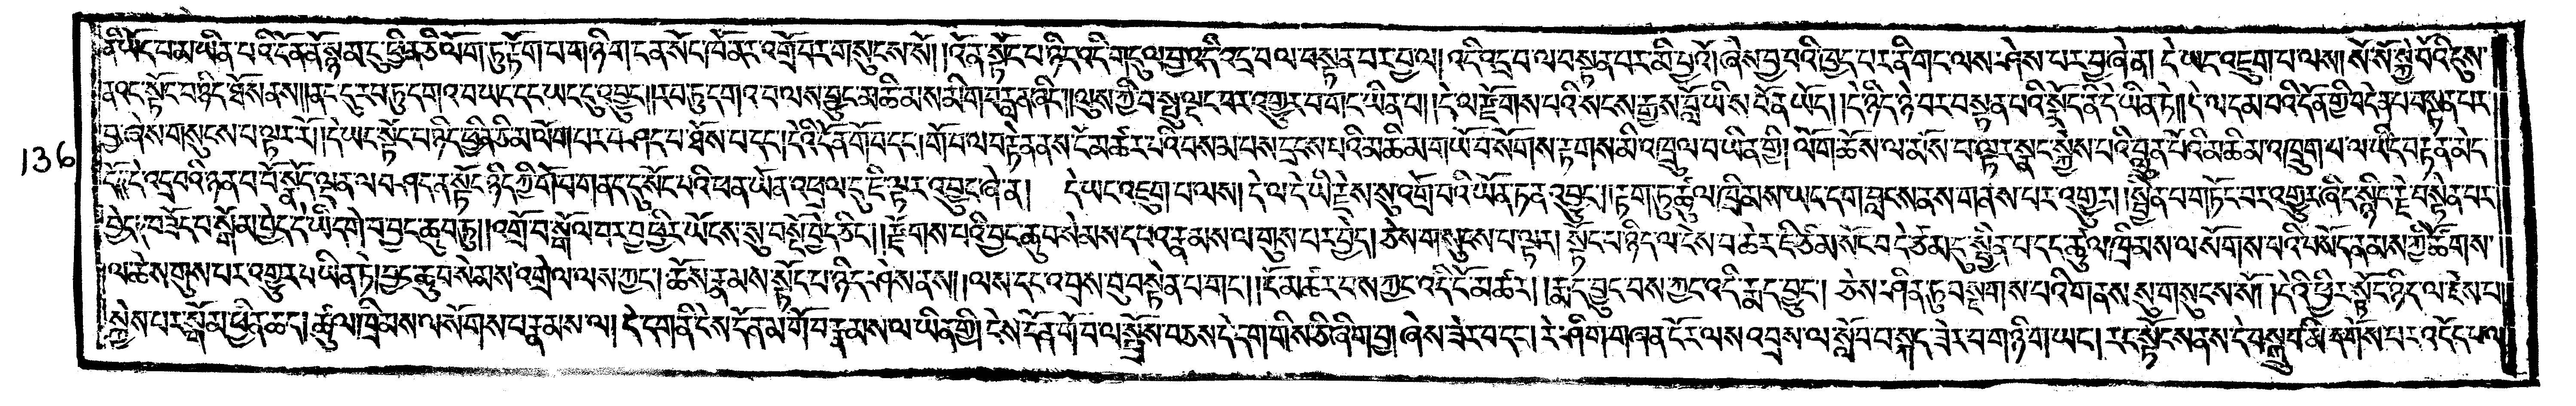ནི་ཡོད་པ་མ་ཡིན་པའི་དོན་ནོ་སྙམ་དུ་ཕྱིན་ཅི་ལོག་ཏུ་རྟོག་པ་གཉི་ག་ངན་སོང་ཁོ་ནར་འགྲོ་བར་གསུངས་སོ། །འོན་སྟོང་པ་ཉིད་འདི་གདུལ་བྱ་འདི་འདྲ་བ་ལ་བསྟན་པར་བྱ་ལ། འདི་འདྲ་བ་ལ་བསྟན་པར་མི་བྱའོ། ཞེས་བྱ་བའི་ཁྱད་པར་ནི་གང་ལས་ཤེས་པར་བྱ་ཞེ་ན། དེ་ཡང་འཇུག་པ་ལས། སོ་སོ་སྐྱེ་བོའི་དུས་
ནའང་སྟོང་པ་ཉིད་ཐོས་ནས། །ནང་དུ་རབ་ཏུ་དགའ་བ་ཡང་དང་ཡང་དུ་འབྱུང་། །རབ་ཏུ་དགའ་བ་ལས་བྱུང་མཆི་མས་མིག་བརླན་ཞིང་། །ལུས་ཀྱི་བ་སྤུ་ལྡང་བར་འགྱུར་བ་གང་ཡིན་པ། །དེ་ལ་རྫོགས་པའི་སངས་རྒྱས་བློ་ཡི་ས་བོན་ཡོད། །དེ་ཉིད་ཉེ་བར་བསྟན་པའི་སྣོད་ནི་དེ་ཡིན་ཏེ། །དེ་ལ་དམ་པའི་དོན་གྱི་བདེན་པ་བསྟན་པར་
བྱ་ཞེས་གསུངས་པ་ལྟར་རོ། །དེ་ཡང་སྟོང་པ་ཉིད་ཕྱིན་ཅི་མ་ལོག་པར་བཤད་པ་ཐོས་པ་དང་། དེའི་དོན་གོ་བ་དང་། གོ་བ་ལ་བརྟེན་ནས་ངོ་མཚར་བའི་བསམ་པས་དྲངས་པའི་མཆི་མ་གཡོ་བ་སོགས་རྟགས་མི་འཁྲུལ་བ་ཡིན་གྱི། ལོག་ཆོས་ལ་མོས་པ་ལྟར་སྣང་སྐྱེས་པའི་བླུན་པོའི་མཆི་མ་འཁྲུག་པ་ལ་ཡིད་བརྟན་མེད་
དོ༑ ༑དེ་འདྲ་བའི་ཉན་པ་པོ་སྣོད་ལྡན་ལ་བཤད་ན་སྟོང་ཉིད་ཀྱི་གོ་བ་གནད་དུ་སོང་པའི་ཕན་ཡོན་འཕྲལ་དུ་ཇི་ལྟར་འབྱུང་ཞེ་ན། དེ་ཡང་འཇུག་པ་ལས། དེ་ལ་དེ་ཡི་རྗེས་སུ་འགྲོ་བའི་ཡོན་ཏན་འབྱུང་། །རྟག་ཏུ་ཚུལ་ཁྲིམས་ཡང་དག་བླངས་ནས་གནས་པར་འགྱུར། །སྦྱིན་པ་གཏོང་བར་འགྱུར་ཞིང་སྙིང་རྗེ་བསྟེན་པར་
བྱེད༑ ༑བཟོད་པ་སྒོམ་བྱེད་དེ་ཡི་དགེ་བ་བྱང་ཆུབ་ཏུ། །འགྲོ་བ་སྒོལ་བར་བྱ་ཕྱིར་ཡོངས་སུ་བསྔོ་བྱེད་ཅིང་། །རྫོགས་པའི་བྱང་ཆུབ་སེམས་དཔའ་རྣམས་ལ་གུས་པར་བྱེད། ཅས་གསུངས་པ་ལྟར། སྟོང་པ་ཉིད་ལ་ངེས་བ་ཆེར་ཇི་ཙམ་སོང་བདེ་ཙམ་དུ་སྦྱིན་པ་དང་ཚུལ་ཁྲིམས་ལ་སོགས་པའི་བསོད་ནམས་ཀྱི་ཚོགས་
ལ་ཆེས་གུས་པར་འགྱུར་བ་ཡིན་ཏེ། བྱང་ཆུབ་སེམས་འགྲེལ་ལས་ཀྱང་། ཆོས་རྣམས་སྟོང་པ་ཉིད་ཤེས་ནས། །ལས་དང་འབྲས་བུ་བསྟེན་པ་གང་། །ངོ་མཚར་བས་ཀྱང་འདི་ངོ་མཚར། །རྨད་བྱུང་བས་ཀྱང་འདི་རྨད་བྱུང་། ཅེས་ཤིན་ཏུ་བསྔགས་པའི་གནས་སུ་གསུངས་སོ། །དེའི་ཕྱིར་སྟོང་ཉིད་ལ་ངེས་པ་
སྐྱེས་བར་སྒོམ་ཕྱིན་ཆད། ཚུལ་ཁྲིམས་ལ་སོགས་པ་རྣམས་ལ། དེ་དག་ནི་ངེས་དོན་མགོ་བ་རྣམས་ལ་ཡིན་གྱི། ངེས་དོན་གོ་བ་ལ་སྦྲོས་བཅས་དེ་དག་གིས་ཅི་ཞིག་བྱ། ཞེས་ཟེར་བ་དང་། རེ་ཤིག་གཞན་ངོར་ལས་འབྲས་ལ་སློབ་བ་སྐད་ཟེར་བ་གཉི་ག་ཡང་། རང་སྟེངས་ནས་དེ་བསྒྲུབ་མི་དགོས་པར་འདོད་པ་ལ་